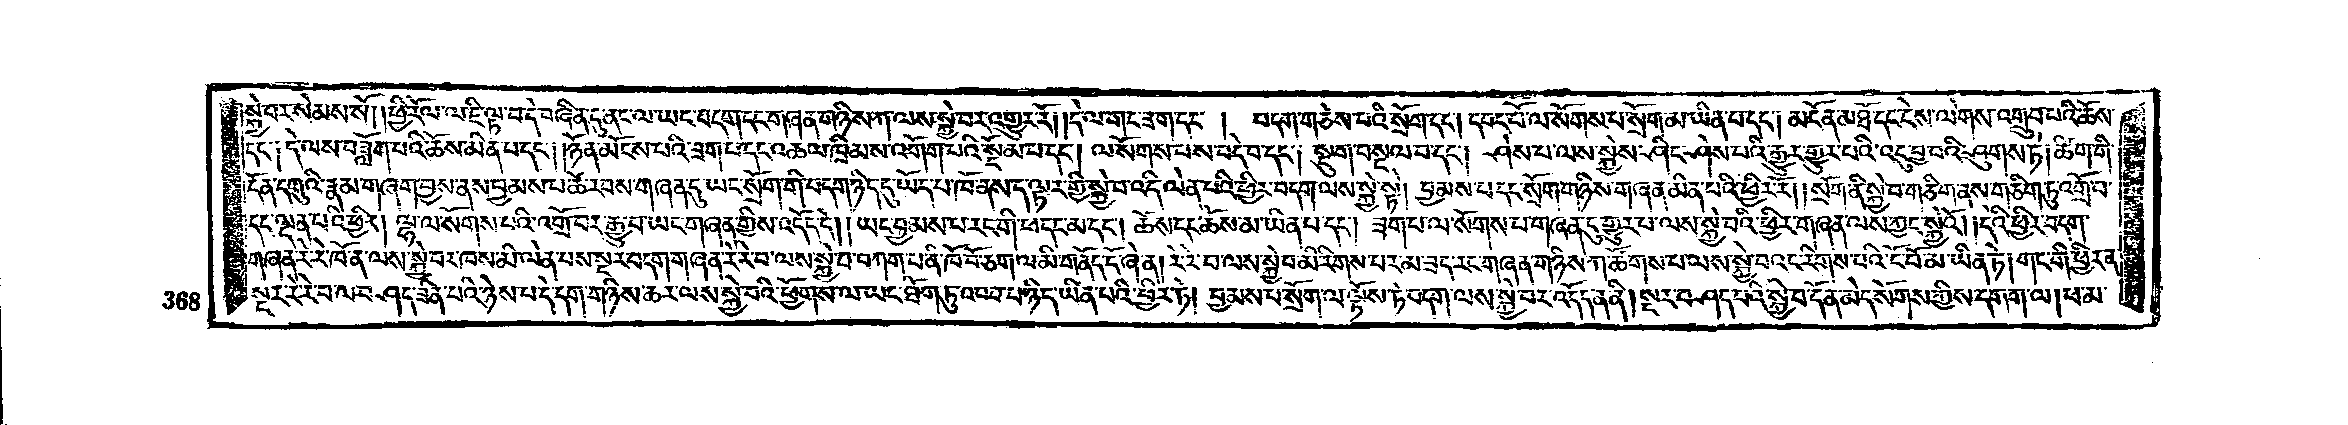སྐྱེ་བར་སེམས་སོ། །ཕྱི་རོལ་ལ་ཇི་ལྟ་བ་དེ་བཞིན་དུ་ནང་ལ་ཡང་བདག་དང་གཞན་གཉིས་ཀ་ལས་སྐྱེ་བར་འགྱུར་རོ། །དེ་ལ་གང་ཟག་དང་། བདག་གཅེས་པའི་སྲོག་དང་། དབང་པོ་ལ་སོགས་པ་སྲོག་མ་ཡིན་པ་དང་། མངོན་མཐོ་དང་ངེས་ལེགས་འགྲུབ་པའི་ཆོས་
དང་། དེ་ལས་བཟློག་པའི་ཆོས་མིན་པ་དང་། །ཉོན་མོངས་པའི་ཟག་པ་དང་འཆལ་ཁྲིམས་འགོག་པའི་སྡོམ་པ་དང་། ལ་སོགས་པས་བདེ་བ་དང་། སྡུག་བསྔལ་བ་དང་། ཤེས་པ་ལས་སྐྱེད་ཤིང་། ཤེས་པའི་རྒྱུར་གྱུར་བའི་འདུ་བྱ་བའི་བྱུང་ཏེ་ཚིག་གི་དོན་དགུའི་
རྣམ་ཞག་བྱས་ནས་བྱམས་པ་ཚེ་རབ་གཞན་དུ་མང་རྟོགས་ཀྱི་བདག་ཉིད་དུ་ཡོད་པ་ཁོ་ནའི་ད་ལྟར་གྱི་སྐྱེ་བ་མི་ལེན་པའི་ཕྱིར་བདག་ལས་སྐྱེ་ཏེ་བྱམས་པ་དང་སྲོག་གཉིས་གཞན་མིན་པའི་ཕྱིར་རོ། །སྲོག་ནི་སྐྱེ་བ་གཅིག་ནས་གཅིག་ཏུ་འགྲོ་བ་
དང་ལྡན་པའི་ཕྱིར། ལྷ་ལ་སོགས་པའི་འགྲོ་བར་རྒྱུ་བ་ཡང་གཞན་གྱིས་འདོད་དོ། །ཡང་བྱམས་པ་རང་གི་ཕ་དང་མ་དང་། ཆོས་དང་ཆོས་མ་ཡིན་པ་དང་། ཟག་པ་ལ་སོགས་པ་གཞན་དུ་གྱུར་པ་ལས་སྐྱེ་བའི་ཕྱིར་གཞན་ལས་ཀྱང་སྐྱེའོ། །དེའི་ཕྱིར་བདག་
གཞན་རེ་རེ་ཁོ་ན་ལས་སྐྱེ་བར་ཁས་མི་ལེན་པས་སྔར་བདག་གཞན་རེ་རེ་བ་ལས་སྐྱེ་བ་བཀག་པ་ནི་ཁོ་བོ་ཅག་ལ་མི་གནོད་དོ་ཞེ་ན། རེ་རེ་བ་ལས་སྐྱེ་བ་མི་རིགས་པར་མ་ཟད་རང་གཞན་གཉིས་ཀ་ཚོགས་པ་ལས་སྐྱེ་བའང་རིགས་པའི་ངོ་བོ་མ་ཡིན་ཏེ། གང་གི་ཕྱིར་ན་
སྔར་རེ་རེ་བ་ལ་བཤད་ཟིན་པའི་ཉེས་པ་དེ་དག་གཉིས་ཆར་ལས་སྐྱེ་བའི་ཕྱོགས་ལ་ཡང་ཐོག་ཏུ་འབབ་པ་ཉིད་ཡིན་པའི་ཕྱིར་ཏེ། བྱམས་པ་སྲོག་ལ་ལྟོས་ཏེ་བདག་ལས་སྐྱེ་བར་འདོད་ན་ནི། སྔར་བཤད་པའི་སྐྱེ་བ་དོན་མེད་སོགས་ཀྱིས་དགག་ལ། ཕ་མ་